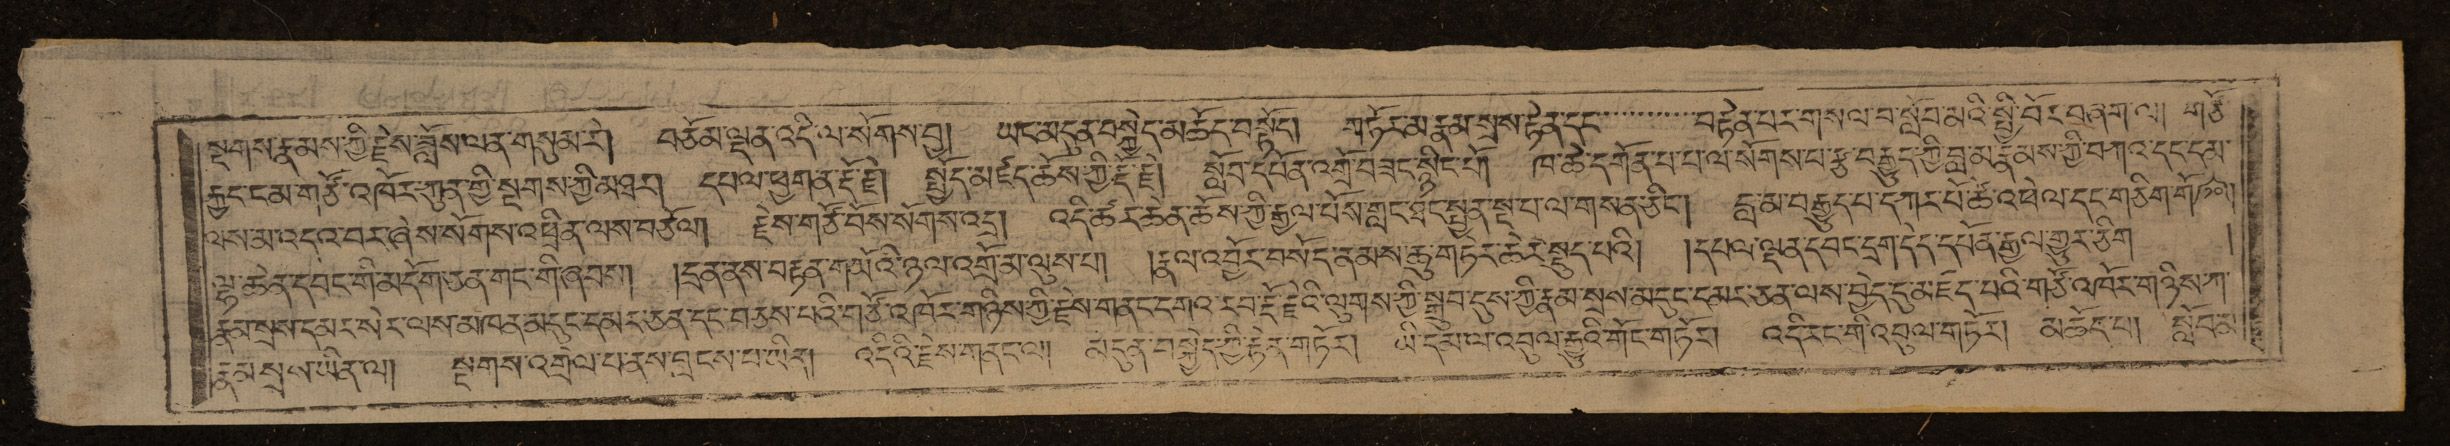སྔགས་རྣམས་ཀྱི་རྗེས་ཟློས་ལན་གསུམ་རེ། བཅོམ་ལྡན་འདི་ལ་སོགས་བྱ། ཡང་མདུན་བསྐྱེད་མཆོད་བསྟོད། གཏོར་མ་རྣམ་སྲས་རྟེན་དང་བརྟེན་པར་གསལ་བ་སློབ་མའི་སྤྱི་བོར་བཞག་ལ། གཙོ་
རྐྱང་དམ་གཙོ་འཁོར་ཀུན་གྱི་སྔགས་ཀྱི་མཐར། དཔལ་ཕྱག་ན་རྡོ་རྗེ། སྤྱོད་མཛད་ཆོས་ཀྱི་རྡོ་རྗེ། སློབ་དཔོན་འགྲོ་བཟང་སྙིང་པོ། ཁ་ཆེ་དགོན་པ་པ་ལ་སོགས་པ་རྩ་བརྒྱུད་ཀྱི་བླ་མ་རྣམས་ཀྱི་བཀའ་དང་དམ་
ལས་མ་འདའ་བར་ཞེས་སོགས་འཕྲིན་ལས་བཅོལ། རྗེས་གཙོ་བོས་སོགས་འདྲ། འདི་ཚར་ཆེན་ཆོས་ཀྱི་རྒྱལ་པོས་གླང་ཐང་སྤྱན་སྔ་པ་ལ་གསན་ཅིང་། བླ་མ་བརྒྱུད་པ་དཀར་པོ་ཚེ་འཕེལ་དང་གཅིག་གོ ༡༠?
ལྷ་ཆེན་དབང་གི་མདོག་ཅན་གང་གི་ཞབས། །དྲན་ནས་བརྟན་གཡོའི་ཉལ་འགྲོ་མ་ལུས་པ། །རྣལ་འབྱོར་བསོད་ནམས་ཆུ་གཏེར་ཆེན་སྡུད་པའི། །དཔལ་ལྡན་དབང་དྲག་དེད་དཔོན་རྒྱལ་གྱུར་ཅིག །
རྣམ་སྲས་དམར་སེར་ལས་མཁན་མདུང་དམར་ཅན་དང་བཅས་པའི་གཙོ་འཁོར་གཉིས་ཀྱི་རྗེས་གནང་དགའ་རབ་རྡོ་རྗེའི་ལུགས་ཀྱི་སྒྲུབ་དུས་ཀྱི་རྣམ་སྲས་མདུང་དམར་ཅན་ལས་བྱེད་དུ་མཛད་པའི་གཙོ་འཁོར་གཉིས་ཀ་
རྣམ་སྲས་ཡིན་ལ། སྔགས་འགྲེལ་པ་ནས་བླངས་པ་ཡིན། འདིའི་རྗེས་གནང་ལ། མདུན་བསྐྱེད་ཀྱི་རྟེན་གཏོར། ཡི་དམ་ལ་འབུལ་རྒྱུའི་གོང་གཏོར། འདི་རང་གི་འབུལ་གཏོར། མཆོད་པ། སློབ་མ་